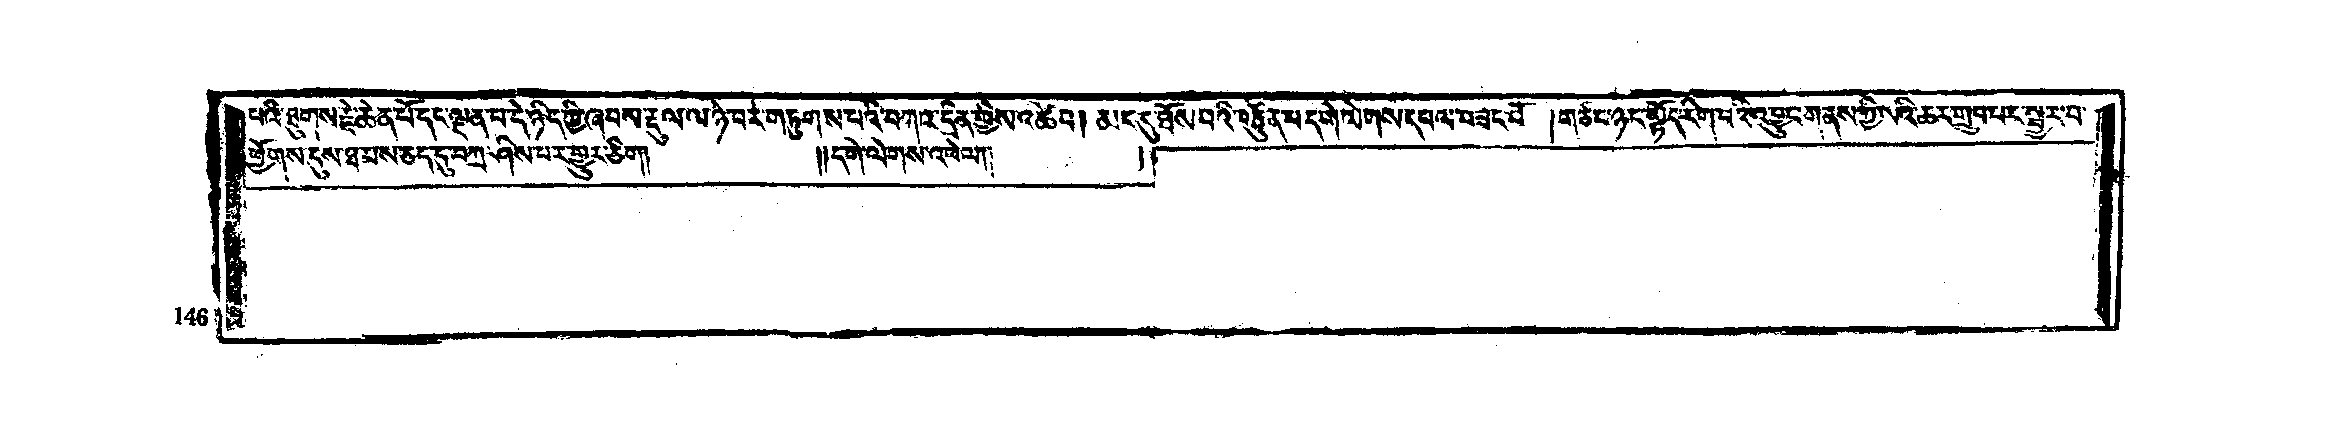པའི་ཐུགས་རྗེ་ཆེན་པོ་དང་ལྡན་པ་དེ་ཉིད་ཀྱི་ཞབས་རྡུལ་ལ་ཉེ་བར་གཏུགས་པའི་བཀའ་དྲིན་གྱིས་འཚེ་བ། མང་དུ་ཐོས་པའི་བཙུན་པ་དགེ་ལེགས་དཔལ་བཟང་པོ། །གཙང་ཉང་སྟོད་རིག་པའི་འབྱུང་གནས་ཀྱི་སའི་ཆར་གྲུབ་པར་སྦྱར་བ་
ཕྱོགས་དུས་ཐམས་ཅད་དུ་བཀྲ་ཤིས་པར་གྱུར་ཅིག། །།དགེ་ལེགས་འཕེལ།། །